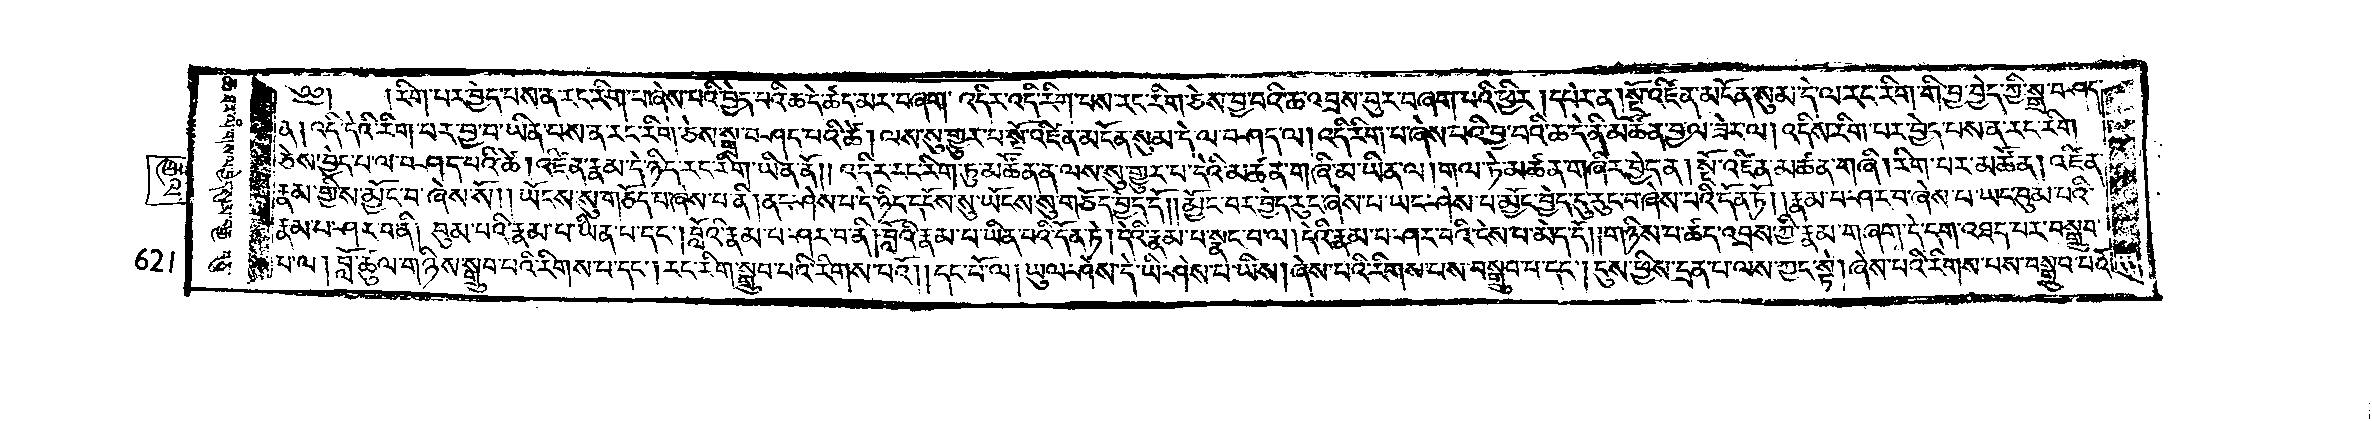༄༅། །རིག་པར་བྱེད་པས་ན་རང་རིག་པ་ཞེས་པའི་བྱེད་པའི་ཆ་དེ་ཚད་མར་བཞག་འདིར་འདི་རིག་པས་རང་རིག་ཅེས་བྱ་བའི་ཆ་འབྲས་བུར་བཞག་པའི་ཕྱིར། དཔེར་ན། སྔོ་འཛིན་མངོན་སུམ་དེ་ལ་རང་རིག་གི་བྱ་བྱེད་ཀྱི་སྒྲ་བཤད་
ན། འདི་དེའི་རིག་པར་བྱ་བ་ཡིན་པས་ན་རང་རིག་ཅེས་སྒྲ་བཤད་པའི་ཚེ། ལས་སུ་གྱུར་པ་སྔོ་འཛིན་མངོན་སུམ་དེ་ལ་བཤད་ལ། འདི་རིག་པ་ཞེས་པའི་བྱ་བའི་ཆ་དེ་ནི་མཚོན་བྱ་ལ་ཟེར་ལ། འདིས་རིག་པར་བྱེད་པས་ན་རང་རིག་
ཅེས་བྱེད་པ་ལ་བཤད་པའི་ཚེ། འཛིན་རྣམ་དེ་ཉིད་རང་རིག་ཡིན་ནོ། །འདིར་རང་རིག་ཏུ་མཚོན་ན་ལས་སུ་གྱུར་པ་དེའི་མཚན་གཞི་མ་ཡིན་ལ། གལ་ཏེ་མཚན་གཞིར་བྱེད་ན། སྔོ་འཛིན་མཚན་གཞི། རིག་པར་མཚོན། འཛིན་
རྣམ་གྱིས་མྱོང་བ་ཞེས་སོ། །ཡོངས་སུ་གཅོད་པ་ཞེས་པ་ནི། ནང་ཤེས་པ་དེ་ཉིད་དངོས་སུ་ཡོངས་སུ་གཅོད་བྱེད་དོ། །མྱོང་བར་བྱེད་རུང་ཞེས་པ་ཡང་ཤེས་པ་མྱོང་བྱེད་དུ་རུང་བ་ཞེས་པའི་དོན་ཏོ། །རྣམ་པ་ཤར་བ་ཞེས་པ་ཡང་བུམ་པའི་
རྣམ་པ་ཤར་བ་ནི། བུམ་པའི་རྣམ་པ་ཡིན་པ་དང་། བློའི་རྣམ་པ་ཤར་བ་ནི། བློའི་རྣམ་པ་ཡིན་པའི་དོན་ཏེ། དེའི་རྣམ་པ་སྣང་བ་ལ། དེའི་རྣམ་པ་ཤར་བའི་ངེས་པ་མེད་དོ། །གཉིས་པ་ཚད་འབྲས་ཀྱི་རྣམ་གཞག་དེ་དག་འཐད་པར་བསྒྲུབ་
པ་ལ། བློ་ཚུལ་གཉིས་སྒྲུབ་པའི་རིགས་པ་དང་། རང་རིག་སྒྲུབ་པའི་རིགས་པའོ། །དང་པོ་ལ། ཡུལ་ཤེས་དེ་ཡི་ཤེས་པ་ཡིས། ཞེས་པའི་རིགས་པས་བསྒྲུབ་པ་དང་། དུས་ཕྱིས་དྲན་པ་ལས་ཀྱང་སྟེ། ཞེས་པའི་རིགས་པས་བསྒྲུབ་པའོ།